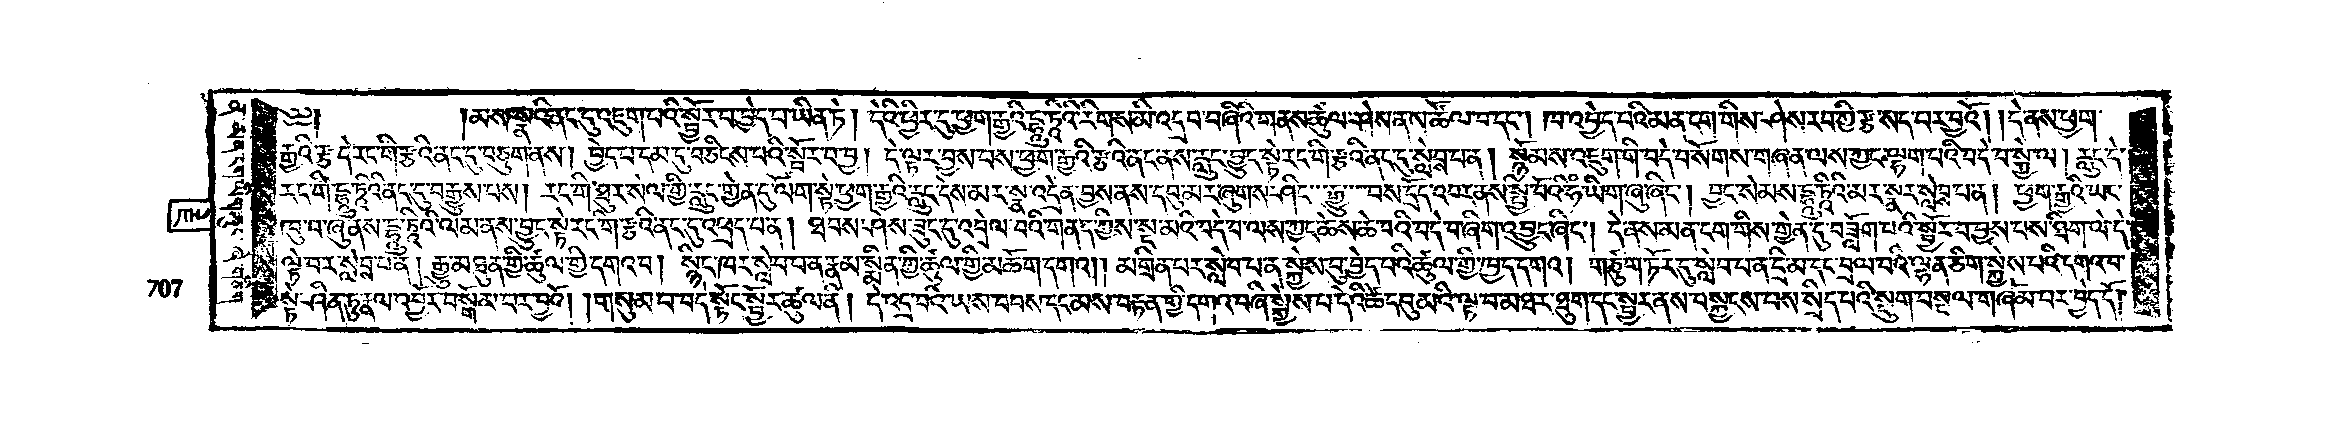༄༅། །མས་སྣའི་ནང་དུ་འཇུག་པའི་སྦྱོར་བ་བྱེད་པ་ཡིན་ཏེ། དེའི་ཕྱིར་དུ་ཕྱག་རྒྱའི་དྷཱུ་ཏཱིའི་རིགས་མི་འདྲ་བ་བཞིའི་གནས་ཚུལ་ཤེས་ནས་ཚེལ་བ་དང་། ཁ་འབྱེད་པའི་མན་ངག་གིས་ཤེས་རབ་ཀྱི་རྩ་སད་པར་བྱའོ། །དེ་ནས་ཕྱག་
རྒྱའི་རྩ་དེ་རང་གི་རྩའི་ནང་དུ་བཅུག་ནས། བྱེད་པ་དམ་དུ་བཅིངས་པའི་སྦྱོར་བ་བྱ། དེ་ལྟར་བྱས་པས་ཕྱག་རྒྱའི་རྩའི་ནང་ནས་རླུང་བྱུང་སྟེ་རང་གི་རྩའི་ནང་དུ་སླེབས་པ་ན། སྙོམས་འཇུག་གི་བདེ་བ་སོགས་གཞན་ལས་ཀྱང་ལྷག་པའི་བདེ་བ་སྐྱེ་ལ། རླུང་དེ་
རང་གི་དྷཱུ་ཏཱིའི་ནང་དུ་བརྒྱུས་པས། རང་གི་ཐུར་སེལ་གྱི་རླུང་གྱེན་དུ་ལོག་སྟེ་ཕྱག་རྒྱའི་རླུང་དེས་མར་སྣ་འདྲེན་བྱས་ནས་དབུ་མར་ཞུགས་ཤིང་རྒྱུ་བས་དྲོད་འབར་ནས་སྤྱི་བོའི་ཧཾ་ཡིག་ཞུ་ཞིང་། བྱང་སེམས་དྷཱུ་ཏཱིའི་མར་སྣར་སླེབས་པ་ན། ཕྱག་རྒྱའི་ཡང་
ཁུ་བ་ཞུ་ནས་དྷཱུ་ཏཱིའི་ལམ་ནས་བྱུང་སྟེ་རང་གི་རྩའི་ནང་དུ་འཕྲད་པ་ན། ཐབས་ཤེས་ཟུང་དུ་འབྲེལ་བའི་གནད་ཀྱིས་སྔ་མའི་བདེ་བ་ལས་ཀྱང་ཆེས་ཆེ་བའི་བདེ་བ་ཞིག་འབྱུང་ཞིང་། དེ་ནས་མན་ངག་གིས་གྱེན་དུ་བཟློག་པའི་སྦྱོར་བ་བྱས་པས་ཐིག་ལེ་དེ་
ལྟེ་བར་སླེབས་པ་ན། རྒྱུ་མཐུན་གྱི་ཚུལ་གྱི་དགའ་བ། སྙིང་ཁར་སླེབ་པ་ན་རྣམ་སྨིན་གྱི་ཚུལ་གྱི་མཆོག་དགའ། །མགྲིན་པར་སླེབ་པ་ན་སྐྱེས་བུ་བྱེད་པའི་ཚུལ་གྱི་ཁྱད་དགའ། གཙུག་ཏོར་དུ་སླེབ་པ་ན་དྲི་མ་དང་བྲལ་བའི་ལྷན་ཅིག་སྐྱེས་པའི་དགའ་བ་
སྟེ་ཤིན་ཏུ་རྣལ་འབྱོར་བསྒོམ་པར་བྱའོ། །གསུམ་པ་བདེ་སྟོང་སྦྱོར་ཚུལ་ནི། དེ་འདྲ་བའི་ཡས་བབས་དང་མས་བརྟན་གྱི་དགའ་བཞི་སྐྱེས་པ་དེའི་ཚེ་དབུ་མའི་ལྟ་བ་མཐར་ཐུག་དང་སྦྱར་ནས་བསྐྱངས་པས་སྲིད་པའི་སྡུག་བསྔལ་གཞོམ་པར་བྱེད་དོ།